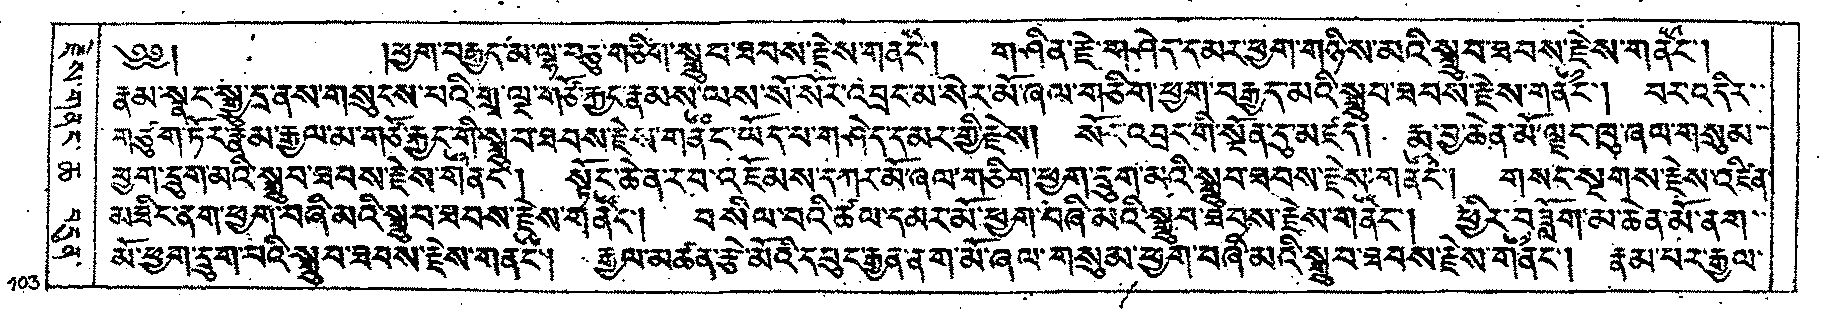༄༅། །ཕྱག་བརྒྱད་མ་ལྷ་བཅུ་གཅིག་སྒྲུབ་ཐབས་རྗེས་གནང ༥༨། གཤིན་རྗེ་གཤེད་དམར་ཕྱག་གཉིས་མའི་སྒྲུབ་ཐབས་རྗེས་གནང ༥༩།
རྣམ་སྣང་སྒྱུ་དྲ་ནས་གསུངས་པའི་གྲྭ་ལྔ་གཙོ་རྐྱང་རྣམས་ལས་སོ་སོར་འབྲང་མ་སེར་མོ་ཞལ་གཅིག་ཕྱག་བརྒྱད་མའི་སྒྲུབ་ཐབས་རྗེས་གནང ༦༡། བར་འདིར་
གཙུག་ཏོར་རྣམ་རྒྱལ་མ་གཙོ་རྐྱང་གི་སྒྲུབ་ཐབས་རྗེས་གནང ༦༠་ཡོད་པ་གཤེད་དམར་གྱི་རྗེས། སོར་འབྲང་གི་སྔོན་དུ་མཛད། རྨ་བྱ་ཆེན་མོ་ལྗང་ཁུ་ཞལ་གསུམ་
ཕྱག་དྲུག་མའི་སྒྲུབ་ཐབས་རྗེས་གནང ༦༢། སྟོང་ཆེན་རབ་འཇོམས་དཀར་མོ་ཞལ་གཅིག་ཕྱག་དྲུག་མའི་སྒྲུབ་ཐབས་རྗེས་གནང ༦༣། གསང་སྔགས་རྗེས་འཛིན་
མཐིང་ནག་ཕྱག་བཞི་མའི་སྒྲུབ་ཐབས་རྗེས་གནང ༦༤། བསིལ་བའི་ཚལ་དམར་མོ་ཕྱག་བཞི་མའི་སྒྲུབ་ཐབས་རྗེས་གནང ༦༥། ཕྱིར་བཟློག་མ་ཆེན་མོ་ནག་
མོ་ཕྱག་དྲུག་པའི་སྒྲུབ་ཐབས་རྗེས་གནང ༦༦། རྒྱལ་མཚན་རྩེ་མོའི་དཔུང་རྒྱན་ནག་མོ་ཞལ་གསུམ་ཕྱག་བཞི་མའི་སྒྲུབ་ཐབས་རྗེས་གནང ༦༧། རྣམ་པར་རྒྱལ་